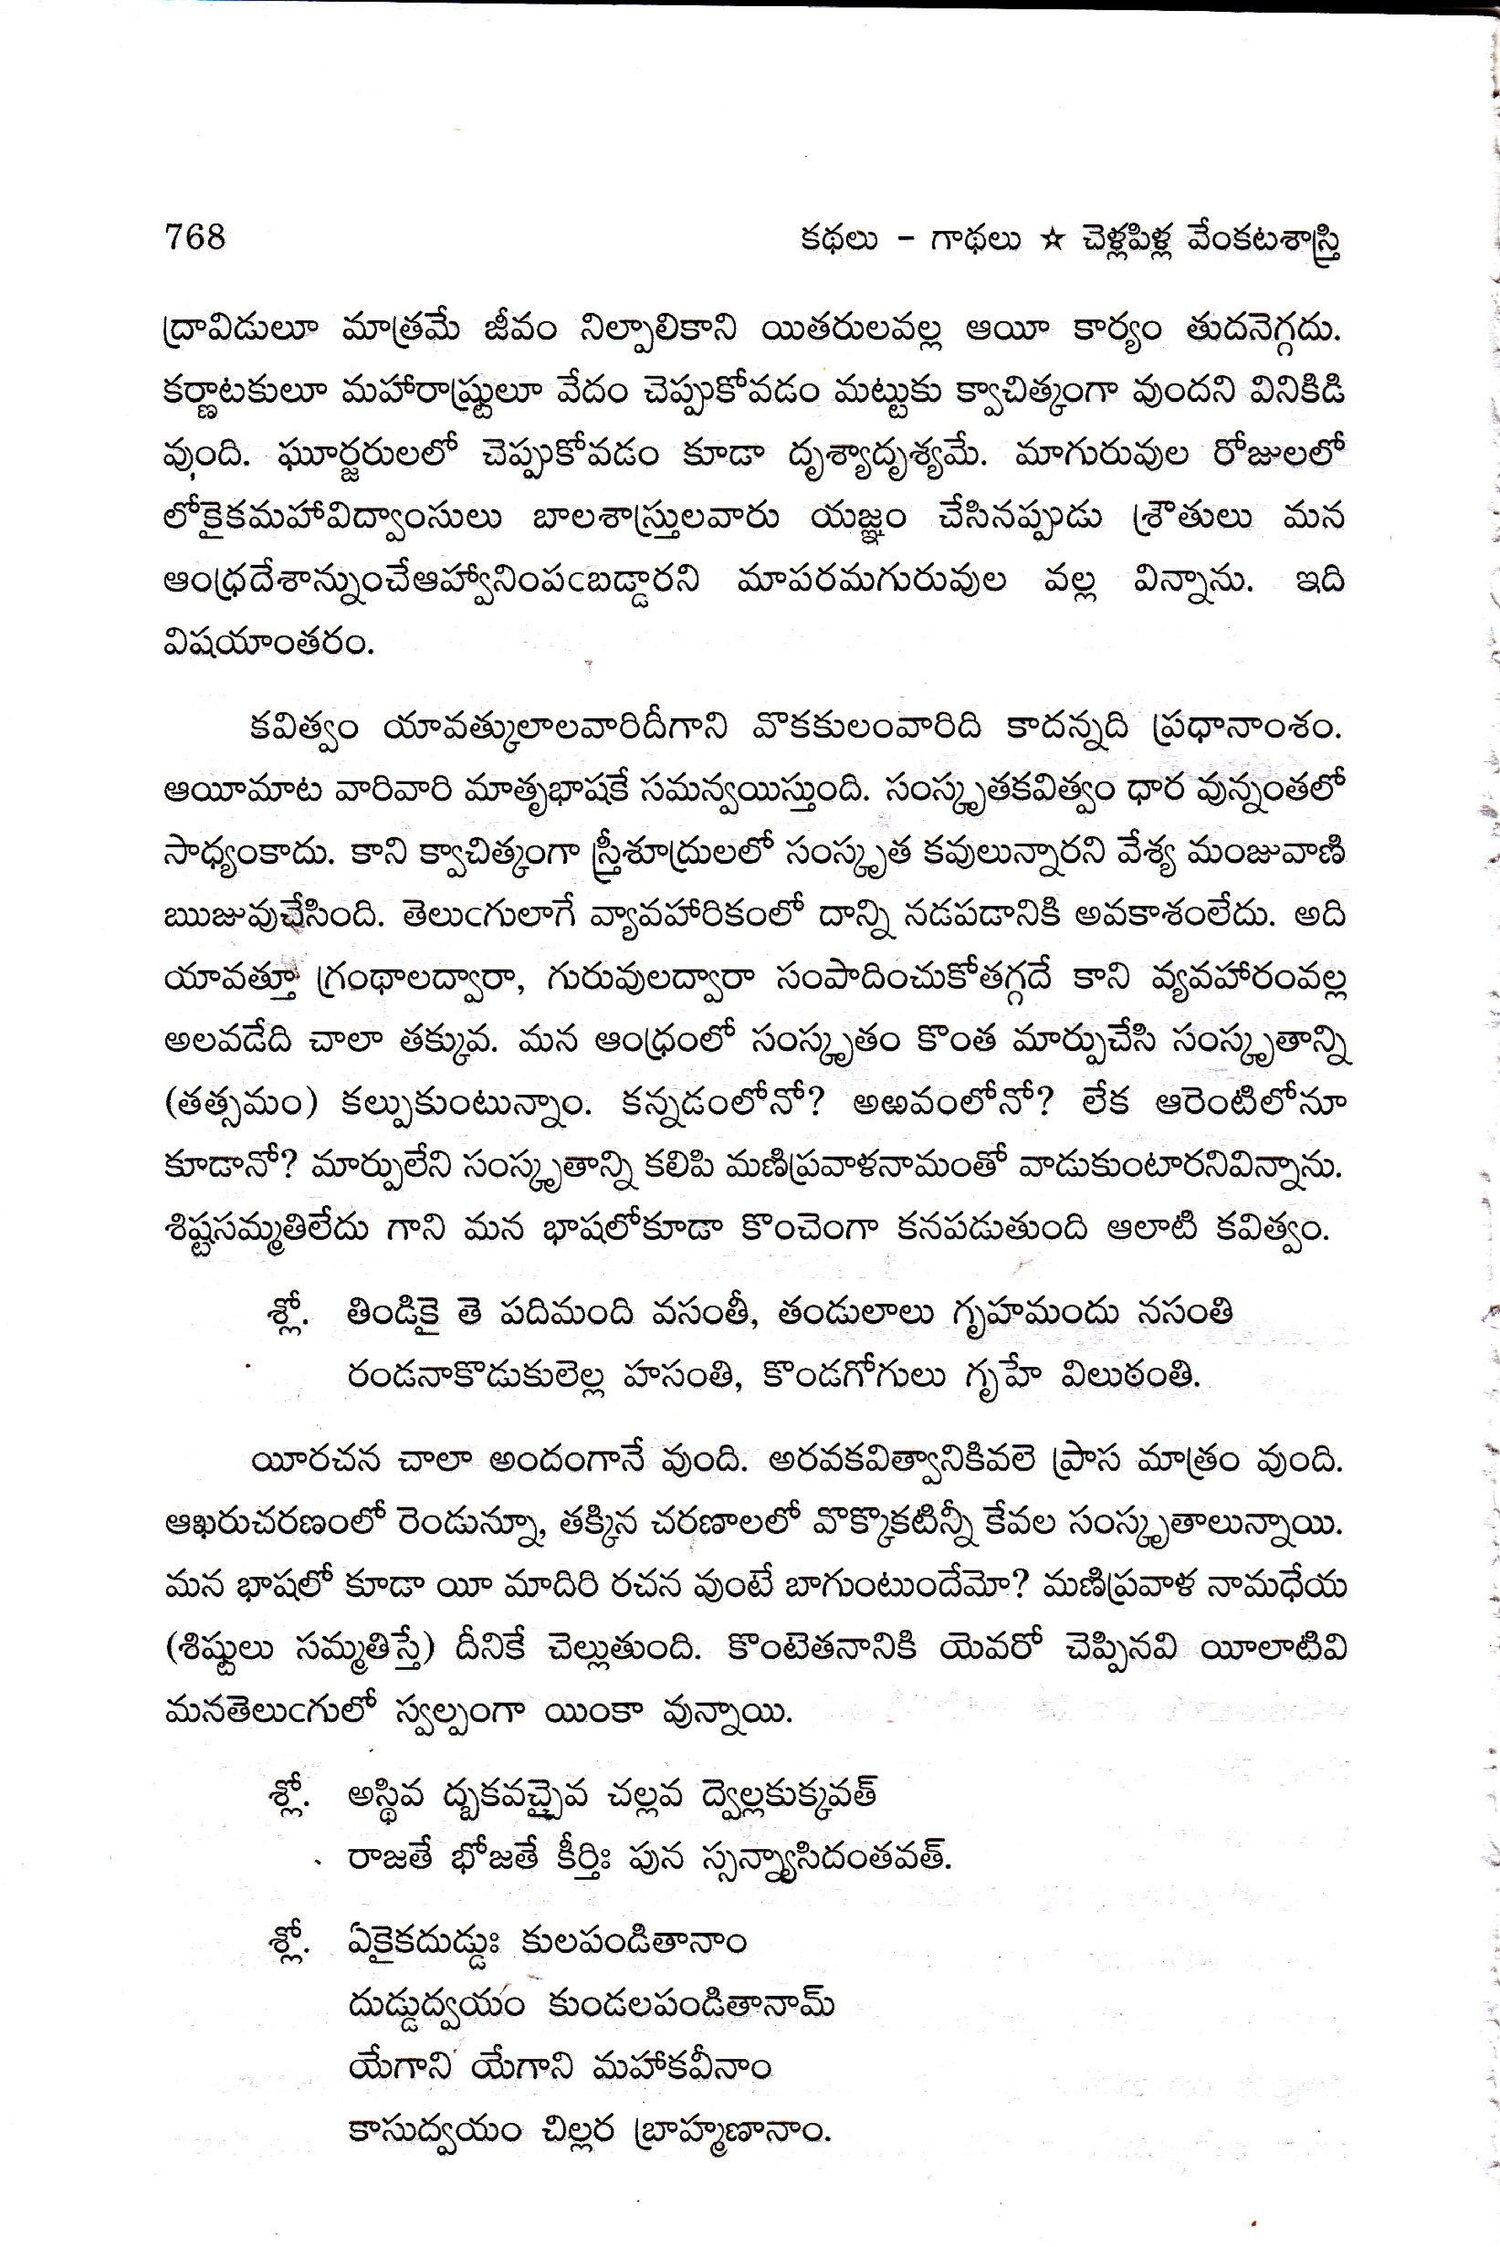ద్రావిడులూ మాత్రమే జీవం నిల్పాలికాని యితరులవల్ల ఆయీ కార్యం తుదనెగ్గదు. కర్ణాటకులూ మహారాష్ట్రులూ వేదం చెప్పుకోవడం మట్టుకు క్వాచిత్కంగా వుందని వినికిడి వుంది. ఘూర్జరులలో చెప్పుకోవడం కూడా దృశ్యాదృశ్యమే. మాగురువుల రోజులలో లోకైకమహావిద్వాంసులు బాలశాస్త్రులవారు యజ్ఞం చేసినప్పుడు శ్రౌతులు మన ఆంధ్రదేశాన్నుంచే ఆహ్వానింపఁబడ్డారని మాపరమగురువుల వల్ల విన్నాను. ఇది విషయాంతరం.

కవిత్వం యావత్కులాలవారిదీగాని వొకకులంవారిది కాదన్నది ప్రధానాంశం. ఆయీమాట వారివారి మాతృభాషకే సమన్వయిస్తుంది. సంస్కృతకవిత్వం ధార వున్నంతలో సాధ్యంకాదు. కాని క్వాచిత్కంగా స్త్రీశూద్రులలో సంస్కృత కవులున్నారని వేశ్య మంజువాణి ఋజువుచేసింది. తెలుఁగులాగే వ్యావహారికంలో దాన్ని నడపడానికి అవకాశంలేదు. అది యావత్తూ గ్రంథాలద్వారా, గురువులద్వారా సంపాదించుకోతగ్గదే కాని వ్యవహారంవల్ల అలవడేది చాలా తక్కువ. మన ఆంధ్రంలో సంస్కృతం కొంత మార్పుచేసి సంస్కృతాన్ని (తత్సమం) కల్పుకుంటున్నాం. కన్నడంలోనో? అఱవంలోనో? లేక ఆరెంటిలోనూ కూడానో? మార్పులేని సంస్కృతాన్ని కలిపి మణిప్రవాళనామంతో వాడుకుంటారనివిన్నాను. శిష్టసమ్మతిలేదు గాని మన భాషలోకూడా కొంచెంగా కనపడుతుంది ఆలాటి కవిత్వం.

శ్లో. తిండికై తె పదిమంది వసంతీ, తండులాలు గృహమందు నసంతి
 రండనాకొడుకులెల్ల హసంతి, కొండగోగులు గృహే విలుఠంతి.
యీరచన చాలా అందంగానే వుంది. అరవకవిత్వానికివలె ప్రాస మాత్రం వుంది. ఆఖరుచరణంలో రెండున్నూ, తక్కిన చరణాలలో వొక్కొకటిన్నీ కేవల సంస్కృతాలున్నాయి. మన భాషలో కూడా యీ మాదిరి రచన వుంటే బాగుంటుందేమో? మణిప్రవాళ నామధేయ (శిష్టులు సమ్మతిస్తే) దీనికే చెల్లుతుంది. కొంటెతనానికి యెవరో చెప్పినవి యీలాటివి మనతెలుఁగులో స్వల్పంగా యింకా వున్నాయి. " - .

శ్లో. అస్థివ ద్బకవచ్చైవ చల్లవ ద్వెల్లకుక్కవత్
 రాజతే భోజతే కీర్తిః పున స్సన్న్యాసిదంతవత్, 

శ్లో. ఏకైకదుడ్డుః కులపండితానాం
 దుడ్డుద్వయం కుండలపండితానామ్ 
 యేగాని యేగాని మహాకవీనాం 
 కాసుద్వయం చిల్లర బ్రాహ్మణానాం.